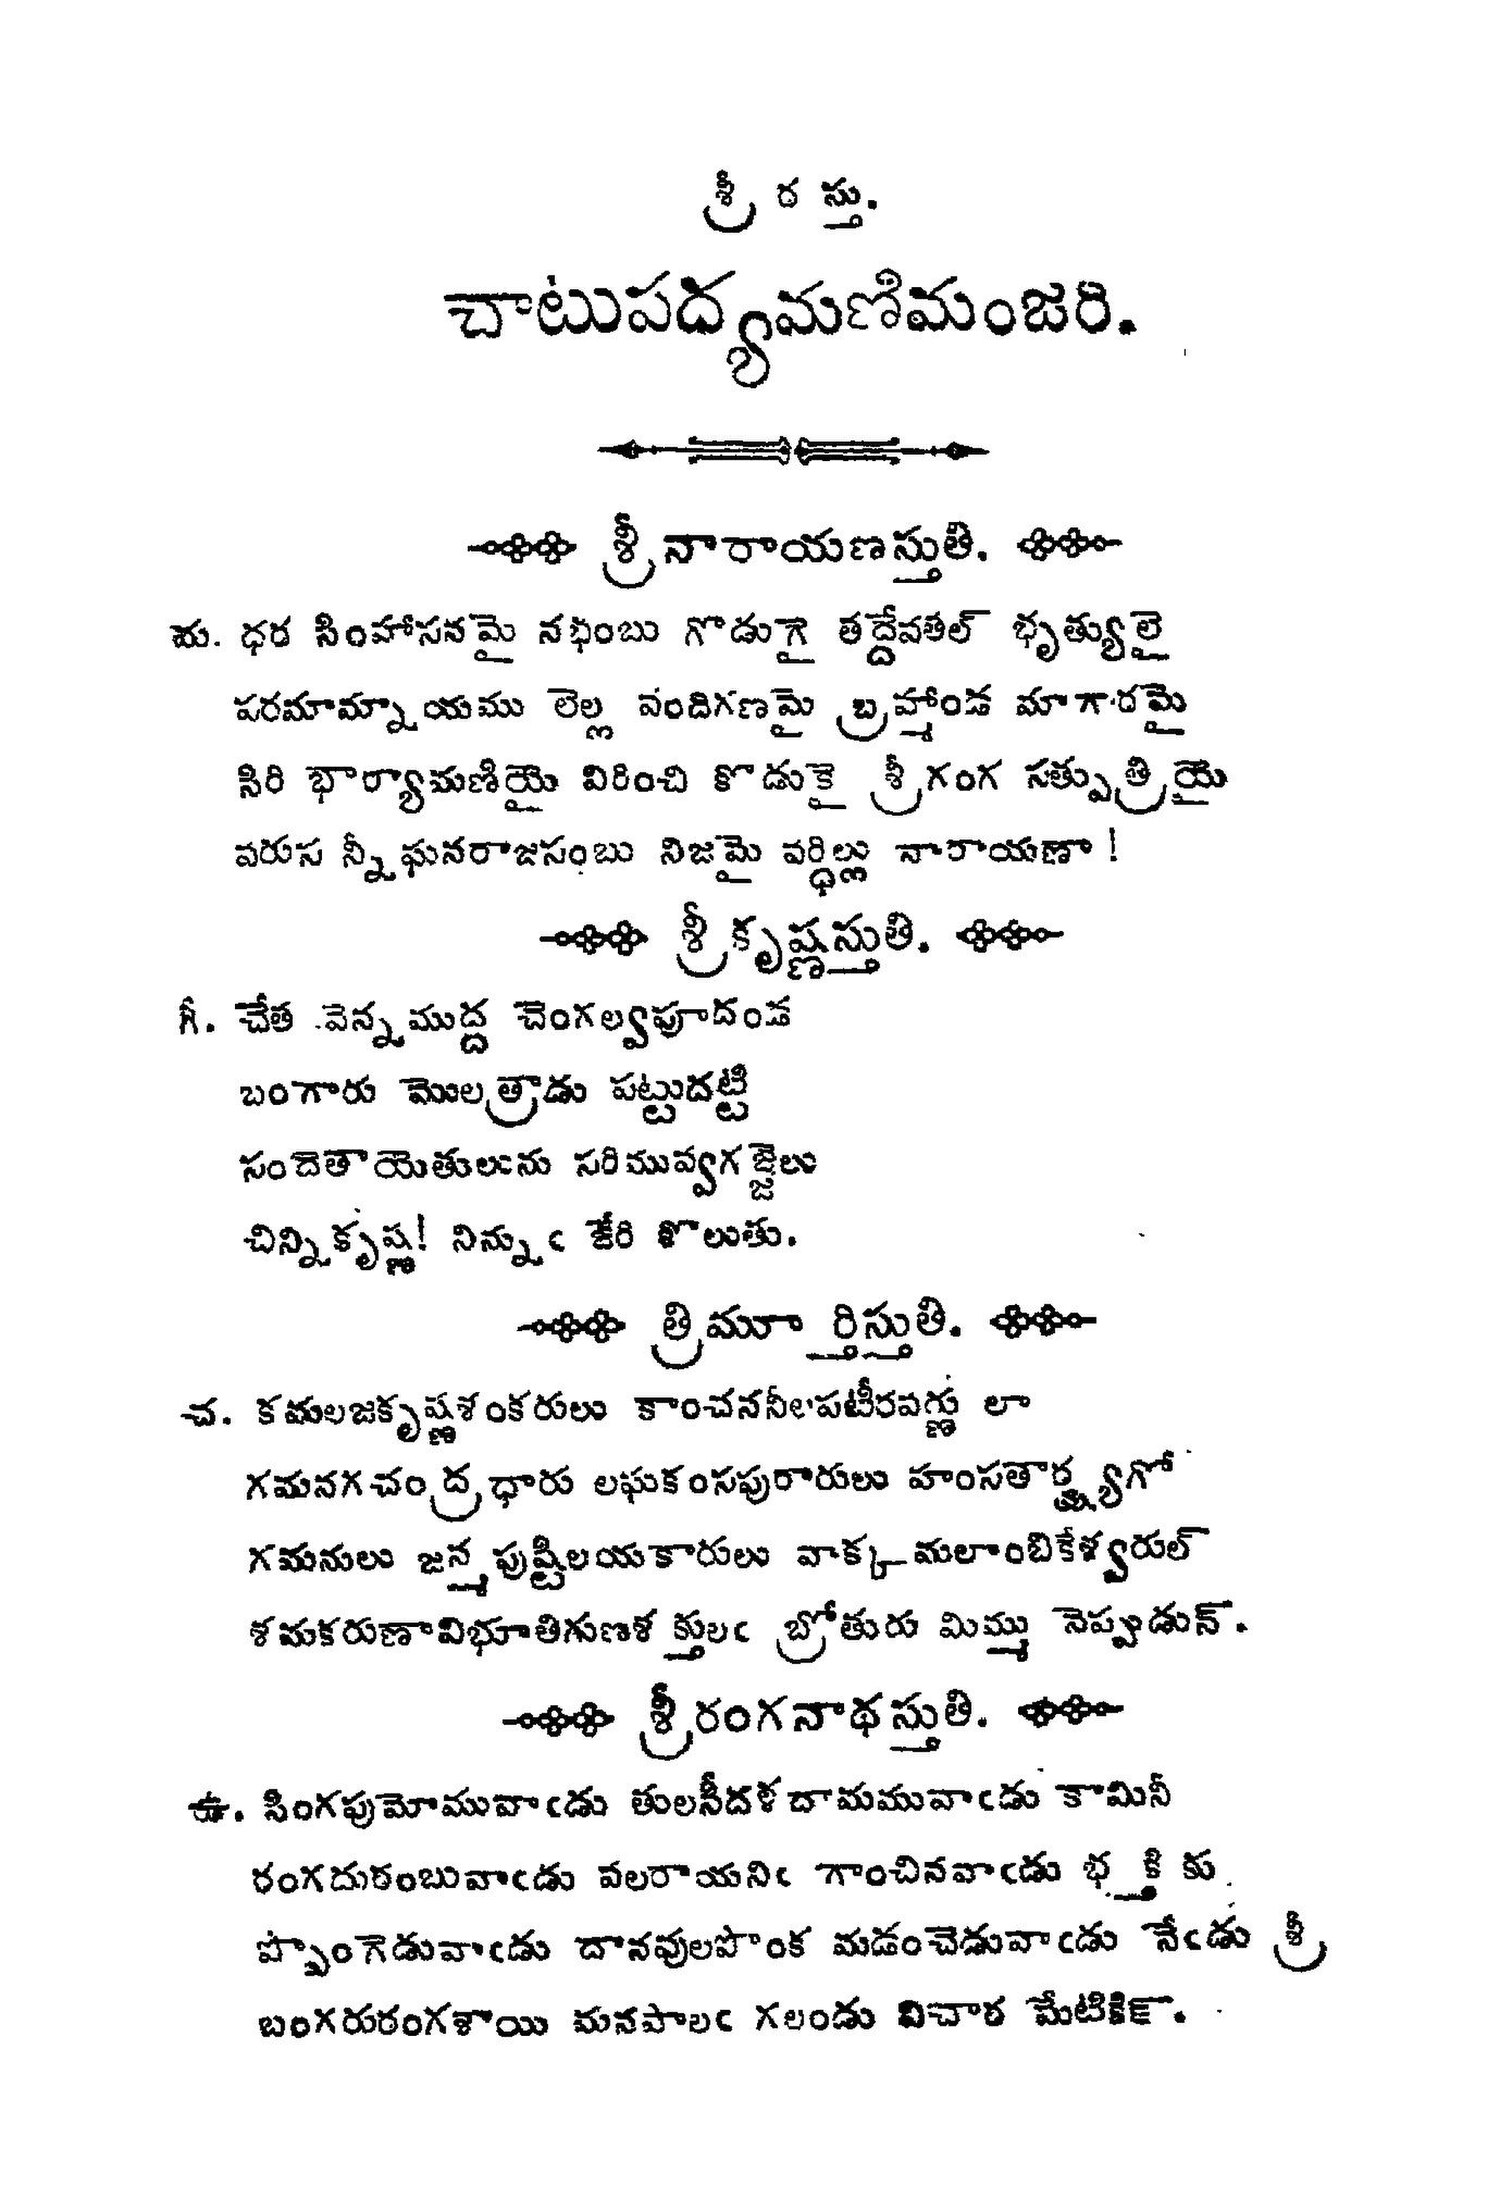మ. ధర సింహాసనమై నభంబు గొడుగై తద్దేవతల్ భృత్యులై
 పరమామ్నాయము లెల్ల వందిగణమై బ్రహ్మాండ మాగారమై
 సిరి భార్యామణియై విరించి కొడుకై శ్రీ గంగ సత్పుత్రియై
 పరుస న్నీ ఘనరాజసంబు నిజమై వర్ధిల్లు నారాయణా!

గీ. చేత వెన్నముద్దచెంగల్వపూదండ
 బంగరుమొలత్రాడు పట్టుదట్టి
 సందెతాయెతులును సరిమువ్వగజ్జెలు
 చిన్నికృష్ణ! నిన్నుఁ జేరి కొలుతు.

చ. కమలజకృష్ణ శంకరులు కాంచననీలపటీరవర్ణు లా
 గమనగచంద్రధారు లఘకంసపురారులు హంసతార్క్ష్యగో
 గమనులు జన్మపుష్టిలయకారులు వాక్కమలాంబికేశ్వరుల్
 శమకరుణావిభూతిగుణశక్తులఁ బ్రోతురు మిమ్ము నెప్పుడున్.

ఉ. సింగపుమోమువాఁడు తులసీదళదామమువాఁడు కామినీ
 రంగదురంబువాఁడు వలరాయనిఁ గాంచినవాఁడు భక్తి కు
 ప్పొంగెడువాఁడు దానవులపొంక మడంచెడివాఁడు నేఁడు శ్రీ
 బంగరురంగశాయి మనపాలఁ గలండు విచార మేటికిన్.